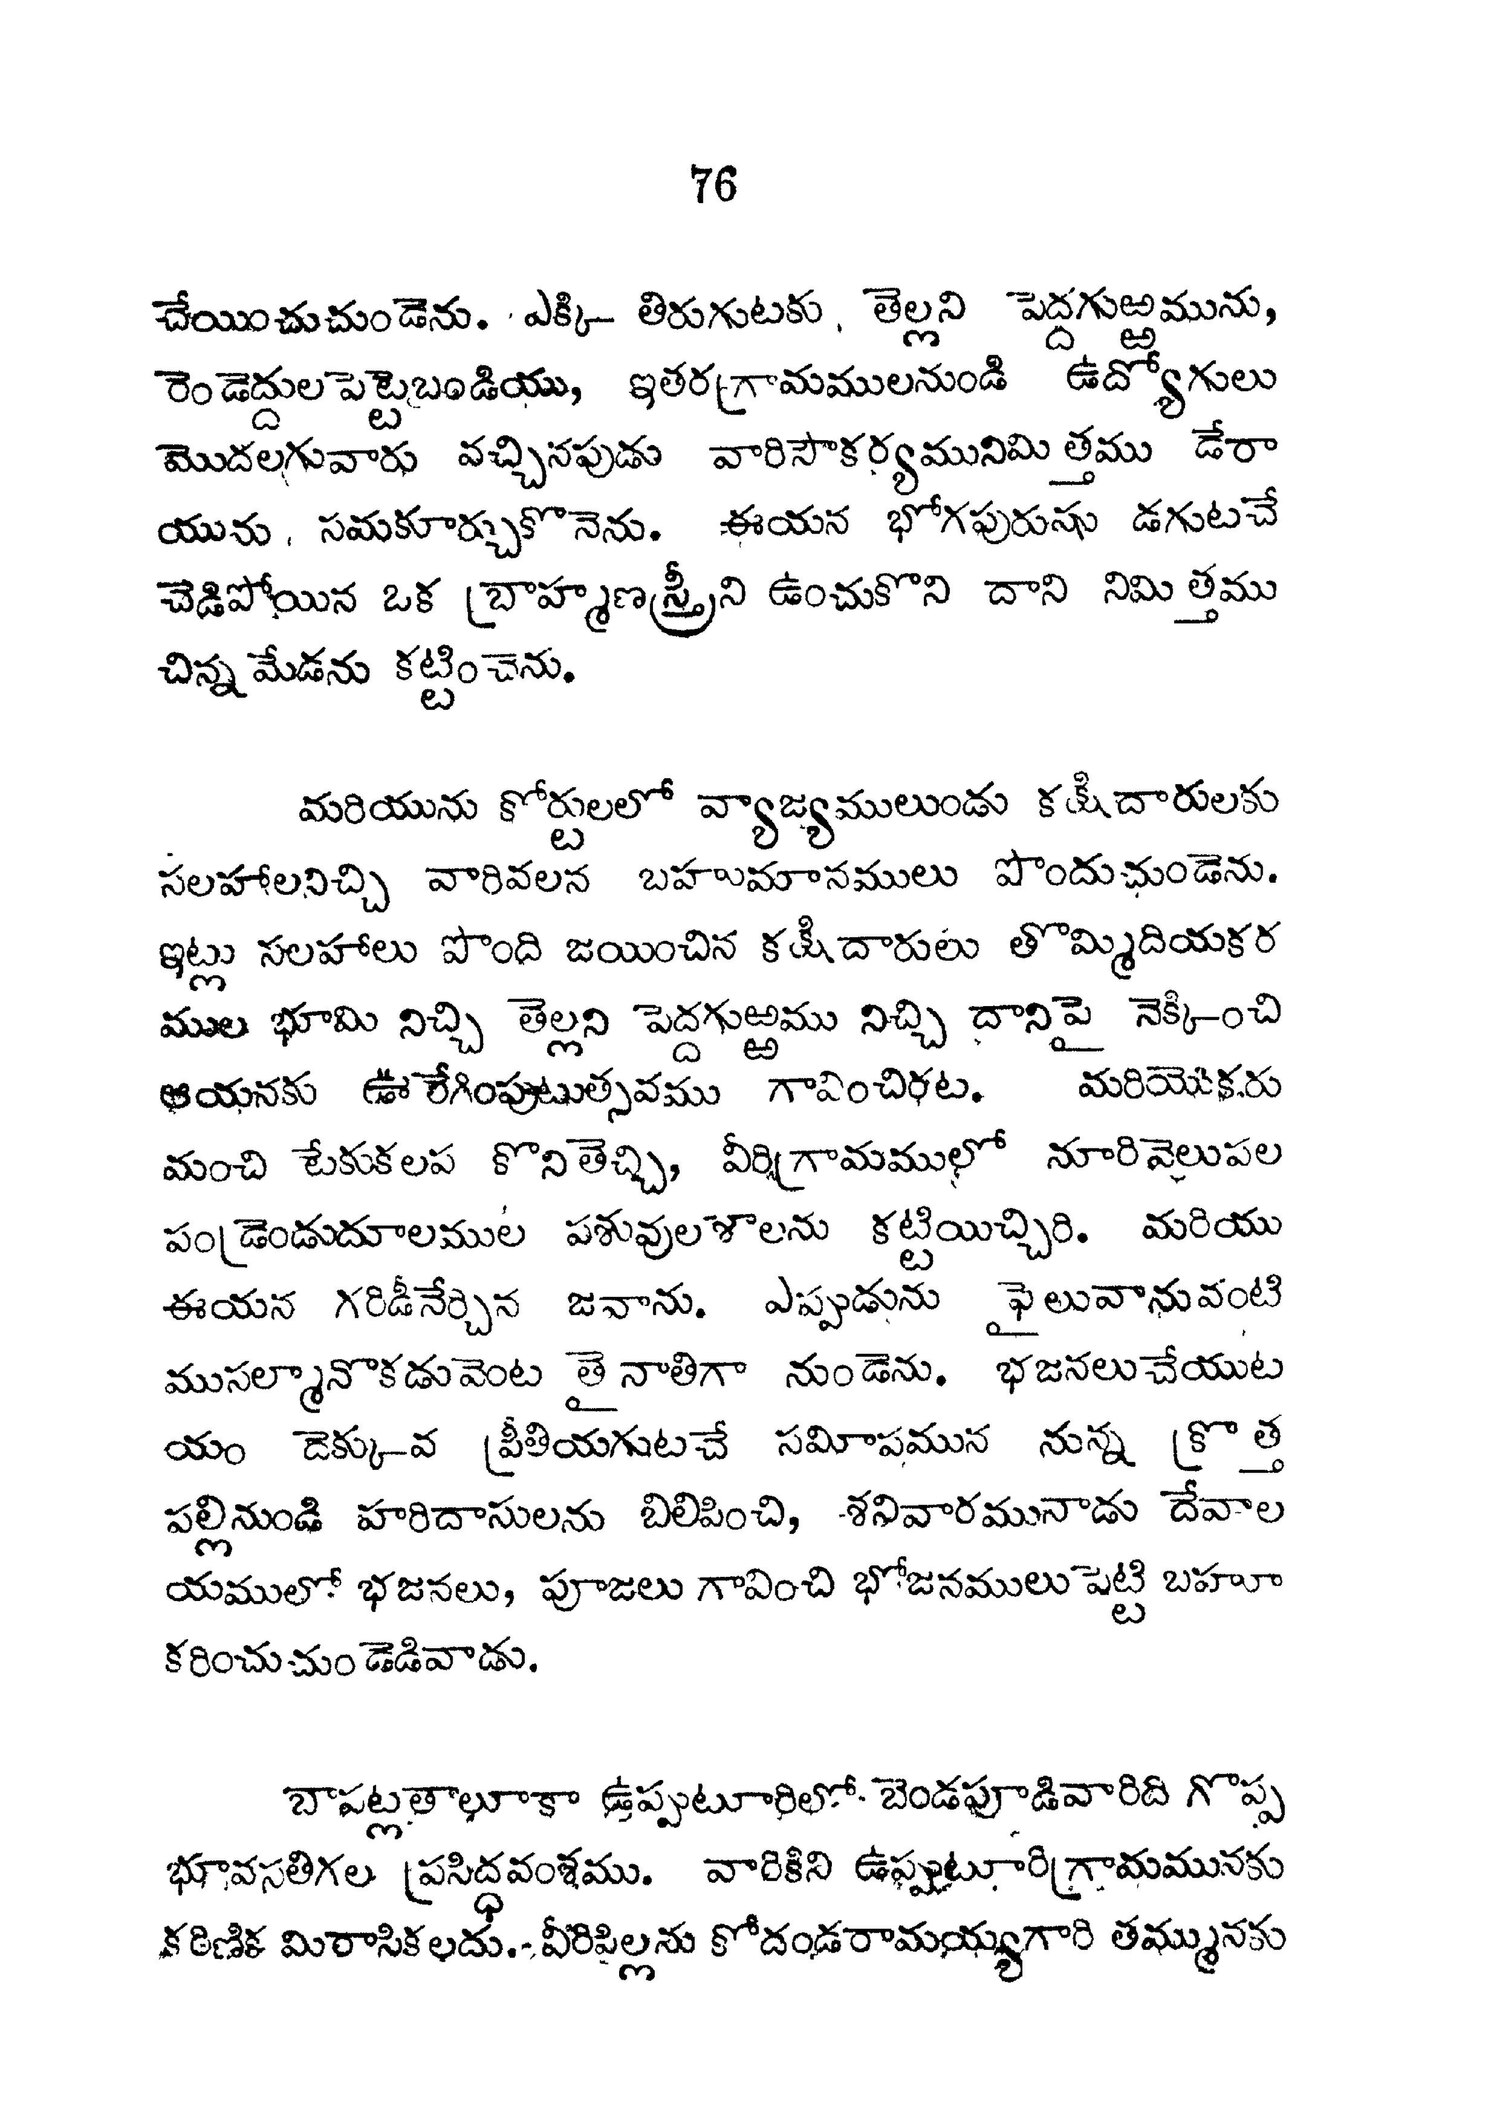చేయించుచుండెను. ఎక్కి తిరుగుటకు తెల్లని పెద్దగుఱ్ఱమును, రెండెద్దులపెట్టెబండియు, ఇతరగ్రామములనుండి ఉద్యోగులు మొదలగువారు వచ్చినపుడు వారిసౌకర్యమునిమిత్తము డేరాయును సమకూర్చుకొనెను. ఈయన భోగపురుషు డగుటచే చెడిపోయిన ఒక బ్రాహ్మణస్త్రీని ఉంచుకొని దాని నిమిత్తము చిన్నమేడను కట్టించెను.

మరియును కోర్టులలో వ్యాజ్యములుండు కక్షిదారులకు సలహాలనిచ్చి వారివలన బహుమానములు పొందుచుండెను. ఇట్లు సలహాలు పొంది జయించిన కక్షిదారులు తొమ్మిదియకరముల భూమి నిచ్చి తెల్లని పెద్దగుఱ్ఱము నిచ్చి దానిపై నెక్కించి ఆయనకు ఊరేగింపుటుత్సవము గావించిరట. మరియొకరు మంచి టేకుకలప కొనితెచ్చి, వీరిగ్రామములో నూరివెలుపల పండ్రెండుదూలముల పశువులశాలను కట్టియిచ్చిరి. మరియు ఈయన గరిడీనేర్చిన జవాను. ఎప్పుడును ఫైలువానువంటి ముసల్మానొకడువెంట తైనాతిగా నుండెను. భజనలుచేయుట యం దెక్కువ ప్రీతియగుటచే సమీపమున నున్న క్రొత్తపల్లినుండి హరిదాసులను బిలిపించి, శనివారమునాడు దేవాలయములో భజనలు, పూజలు గావించి భోజనములుపెట్టి బహూకరించుచుండెడివాడు

బాపట్లతాలూకా ఉప్పుటూరిలో బెండపూడివారిది గొప్ప భూవసతిగల ప్రసిద్ధివంశము. వారికిని ఉప్పుటూరిగ్రామమునకు కరిణిక మిరాసికలదు. వీరిపిల్లను కోదండరామయ్యగారి తమ్మునకు